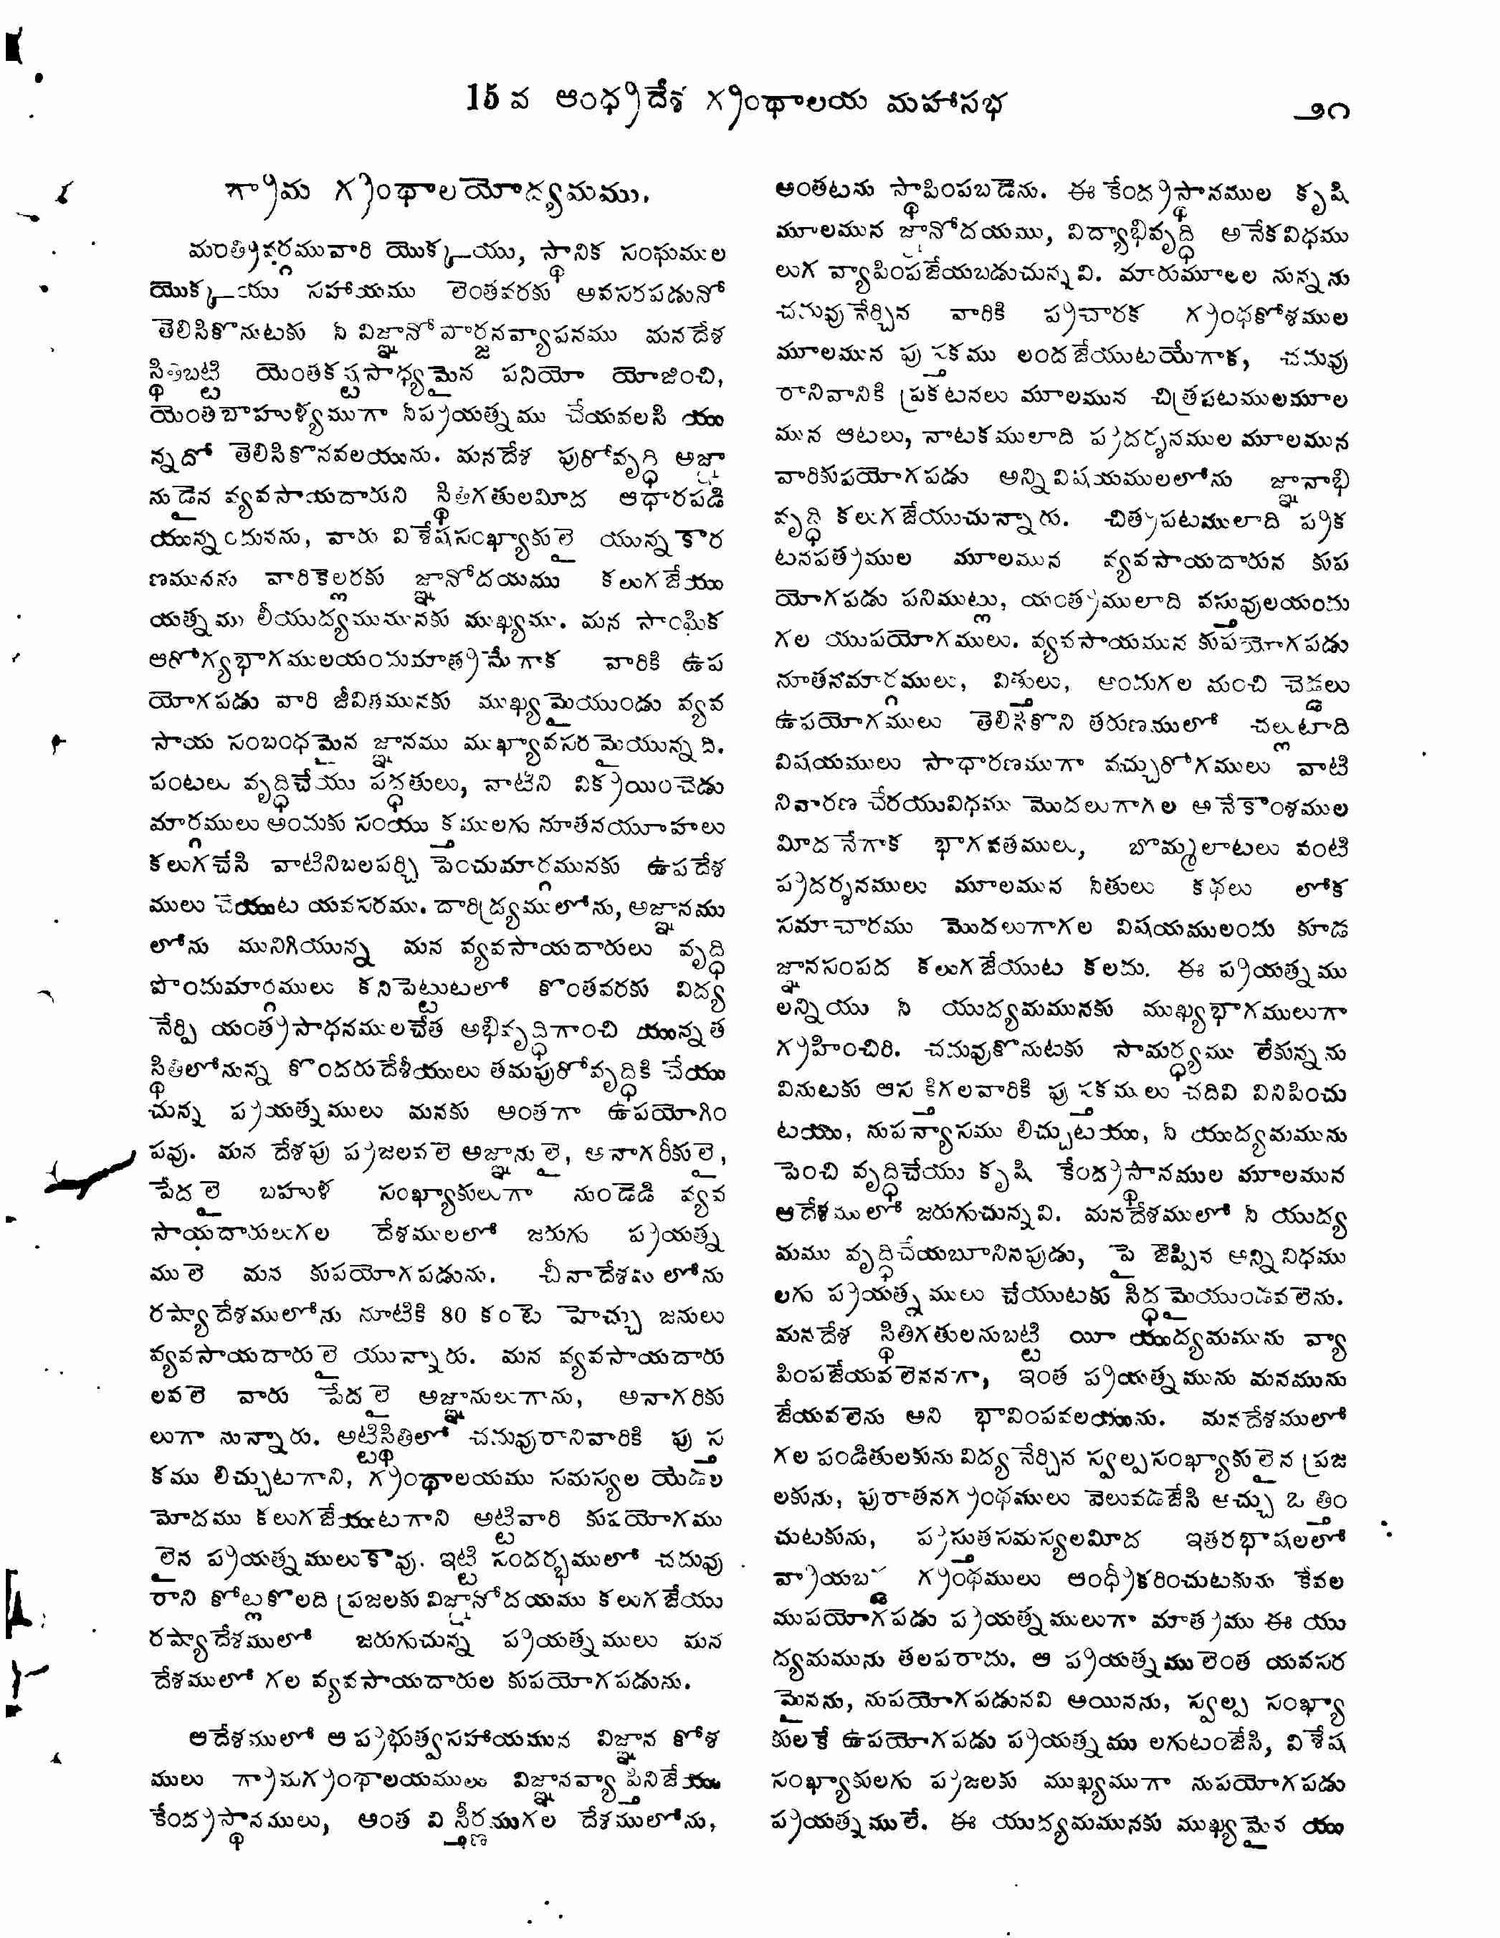మంత్రివర్గము వారి యొక్క యు, స్థానిక సంఘముల యొక్కయు సహాయము లెంతవరకు అవసరపడునో తెలిసికొనుటకు నీ విజ్ఞానో పార్జన వ్యాపనము మన దేశస్థితిబట్టి యెంత కష్టసాధ్యమైన పనియో యోజించి, యెంత బాహుళ్యముగా నీప్రయత్నము చేయవలసి
యున్నదో తెలిసికొనవలయును. మనదేశ పురోవృద్ధి అజ్ఞానుడైన వ్యవసాయదారుని స్థితిగతులమీద ఆధారపడి యున్నందునను, వారు విశేషసంఖ్యాకులై యున్న కారణమునను వారికెల్లరకు జ్ఞానోదయము కలుగజేయంయత్నము లీయుద్యముమునకు ముఖ్యము. మన సాంఘిక ఆరోగ్యభాగములయందు మాత్రమే గాక వారికి ఉపయోగపడు వారి జీవితమునకు ముఖ్యమైయుండు వ్యవసాయ సంబంధమైన జ్ఞానము ముఖ్యావసరమైయున్నది. పంటలు వృద్ధిచేయు పద్ధతులు, వాటిని విక్రయించెడు మార్గములు అందుకు సంయుక్తములగు నూతనయూహలు కలుగచేసి వాటినిబలపర్చి పెంచుమారమునకు ఉపదేశములు చేయుట యవసరము. దారిద్యము లోను, అజ్ఞానము
లోను మునిగియున్న మన వ్యవసాయదారులు వృద్ధి పొందుమార్గములు కని పెట్టుటలో కొంతవరకు విద్యనేర్పి యంత్ర సాధనములచేత అభివృద్ధిగాంచి యున్నత స్థితిలోనున్న కొందరుదేశీయులు తమపురోవృద్ధికి చేయుచున్న ప్రయత్నములు మనకు అంతగా 
ఉపయోగింపవు. మన దేశపు ప్రజలవలె అజ్ఞానులై, అనాగరికులై, పేదలై బహుళ సంఖ్యాకులుగా నుండెడి వ్యవసాయదారులు గల
దేశములలో జరుగు ప్రయత్నములె మన కుపయోగపడును. చీనా దేశము లోను, రష్యా దేశములోను నూటికి 80 కంటె హెచ్చు జనులు
వ్యవసాయదారులై యున్నారు. మన వ్యవసాయదారుల వలె వారు పేద లై అజ్ఞానులుగాను, అనాగరికులుగా నున్నారు. అటిస్థితిలో చదువురానివారికి పుస్తకములు లిచ్చుటగాని, గ్రంథాలయము సమస్యల యెడల మోదము కలుగజేయఁట గాని అట్టివారి కుపయోగము
లైన ప్రయత్నములు కావు. ఇట్టి సందర్భములో చదువు రాని కోట్లకొలది ప్రజలకు విజ్ఞానోదయము కలుగజేయు రష్యా దేశములో జరుగుచున్న ప్రయత్నములు మన దేశములో గల వ్యవసాయదారుల కుపయోగపడును. 

ఆదేశములో ఆ ప్రభుత్వ సహాయమున విజ్ఞాన కోశములు గ్రామగ్రంథాలయములు విజ్ఞానవ్యాప్తిని జేయు కేంద్రస్థానములు, అంత విస్తీర్ణముగల దేశములోను, అంతటను స్థాపింపబడెను. ఈ కేంద్రస్థానముల కృషి మూలమున జ్ఞానోదయము, విద్యాభివృద్ధి అనేక 
విధములుగ వ్యాపింపజేయబడుచున్నవి. మారుమూలల నున్నను చదువు నేర్చిన వారికి ప్రచారక గ్రంధకోశముల మూలమున పుస్తకము లందజేయుటయేగాక, చదువురానివానికి ప్రకటనలు మూలమున చిత్రపటములమూలమున ఆటలు, నాటకములాది ప్రదర్శనముల మూలమున వారికుపయోగపడు అన్ని విషయములలోను జ్ఞానాభివృద్ధి కలుగజేయుచున్నారు. చిత్రపటములాది ప్రకటనపత్రముల మూలమున వ్యవసాయదారున కుపయోగపడు పనిముట్లు, యంత్రములాది వస్తువులయందుగల యుపయోగములు. వ్యవసాయమున కుపయోగపడు నూతనమారములు, విత్తులు, అందుగల మంచి చెడ్డలు ఉపయోగములు తెలిసికొని తరుణములో చల్లుటాది విషయములు సాధారణముగా వచ్చురోగములు వాటి నివారణ చేరయువిధము మొదలుగాగిల ఆనేకాంశముల మీదనేగాక భాగవతములు, బొమ్మలాటలు వంటి ప్రదర్శనములు మూలమున నీతులు, కథలు లోకసమాచారము మొదలుగాగల విషయములందు కూడ జ్ఞాన సంపద కలుగజేయుట కలదు. ఈ ప్రయత్నము లన్నియు నీ యుద్యమమునకు ముఖ్యభాగములుగా గ్రహించిరి. చదువుకొనుటకు సామర్ధ్యము లేకున్నను, వినుటకు ఆసక్తిగలవారికి పుస్తకములు చదివి వినిపించుటయు, నుపన్యాసము లిచ్చుటయు, నీ యుద్యమమును పెంచి వృద్ధిచేయు కృషి కేంద్ర స్టానముల మూలమున ఆ దేశము లో జరుగుచున్నవి. మనదేశములో నీ యుద్యమము వృద్ధి చేయబూనినపుడు, పై జెప్పిన అన్ని విధములగు ప్రయత్నములు చేయుటకు సిద్దమైయుండవలెను. మన దేశ స్థితిగతులనుబట్టి యీ యుద్యమమును వ్యాపింపజేయ వలెననగా, ఇంత ప్రయత్నమును మనమును జేయవలెను అని భావింపవలయును. మనదేశములో గల పండితులకును విద్య నేర్చిన స్వల్ప సంఖ్యాకులైన ప్రజలకును, పురాతనగంధములు వెలువడజేసి ఆచ్చు ఒత్తించుటకును, ప్రస్తుత సమస్యలమీద ఇతరభాషలలో వ్రాయబడు గ్రంథములు ఆంధ్రీకరించుటకును కేవల ముపయోగపడు ప్రయత్నములుగా మాత్రము ఈ యుద్యమమును తలపరాదు. ఆ ప్రయత్నము లెంత యవసరమెనను, నుపయోగపడునవి అయినను, స్వల్ప సంఖ్యాకులకే ఉపయోగపడు ప్రయత్నము లగుటంజేసి, విశేషసంఖ్యాకులగు ప్రజలకు ముఖ్యముగా నుపయోగపడు ప్రయత్నములే. ఈ యుద్యమమునకు ముఖ్యమైనయు